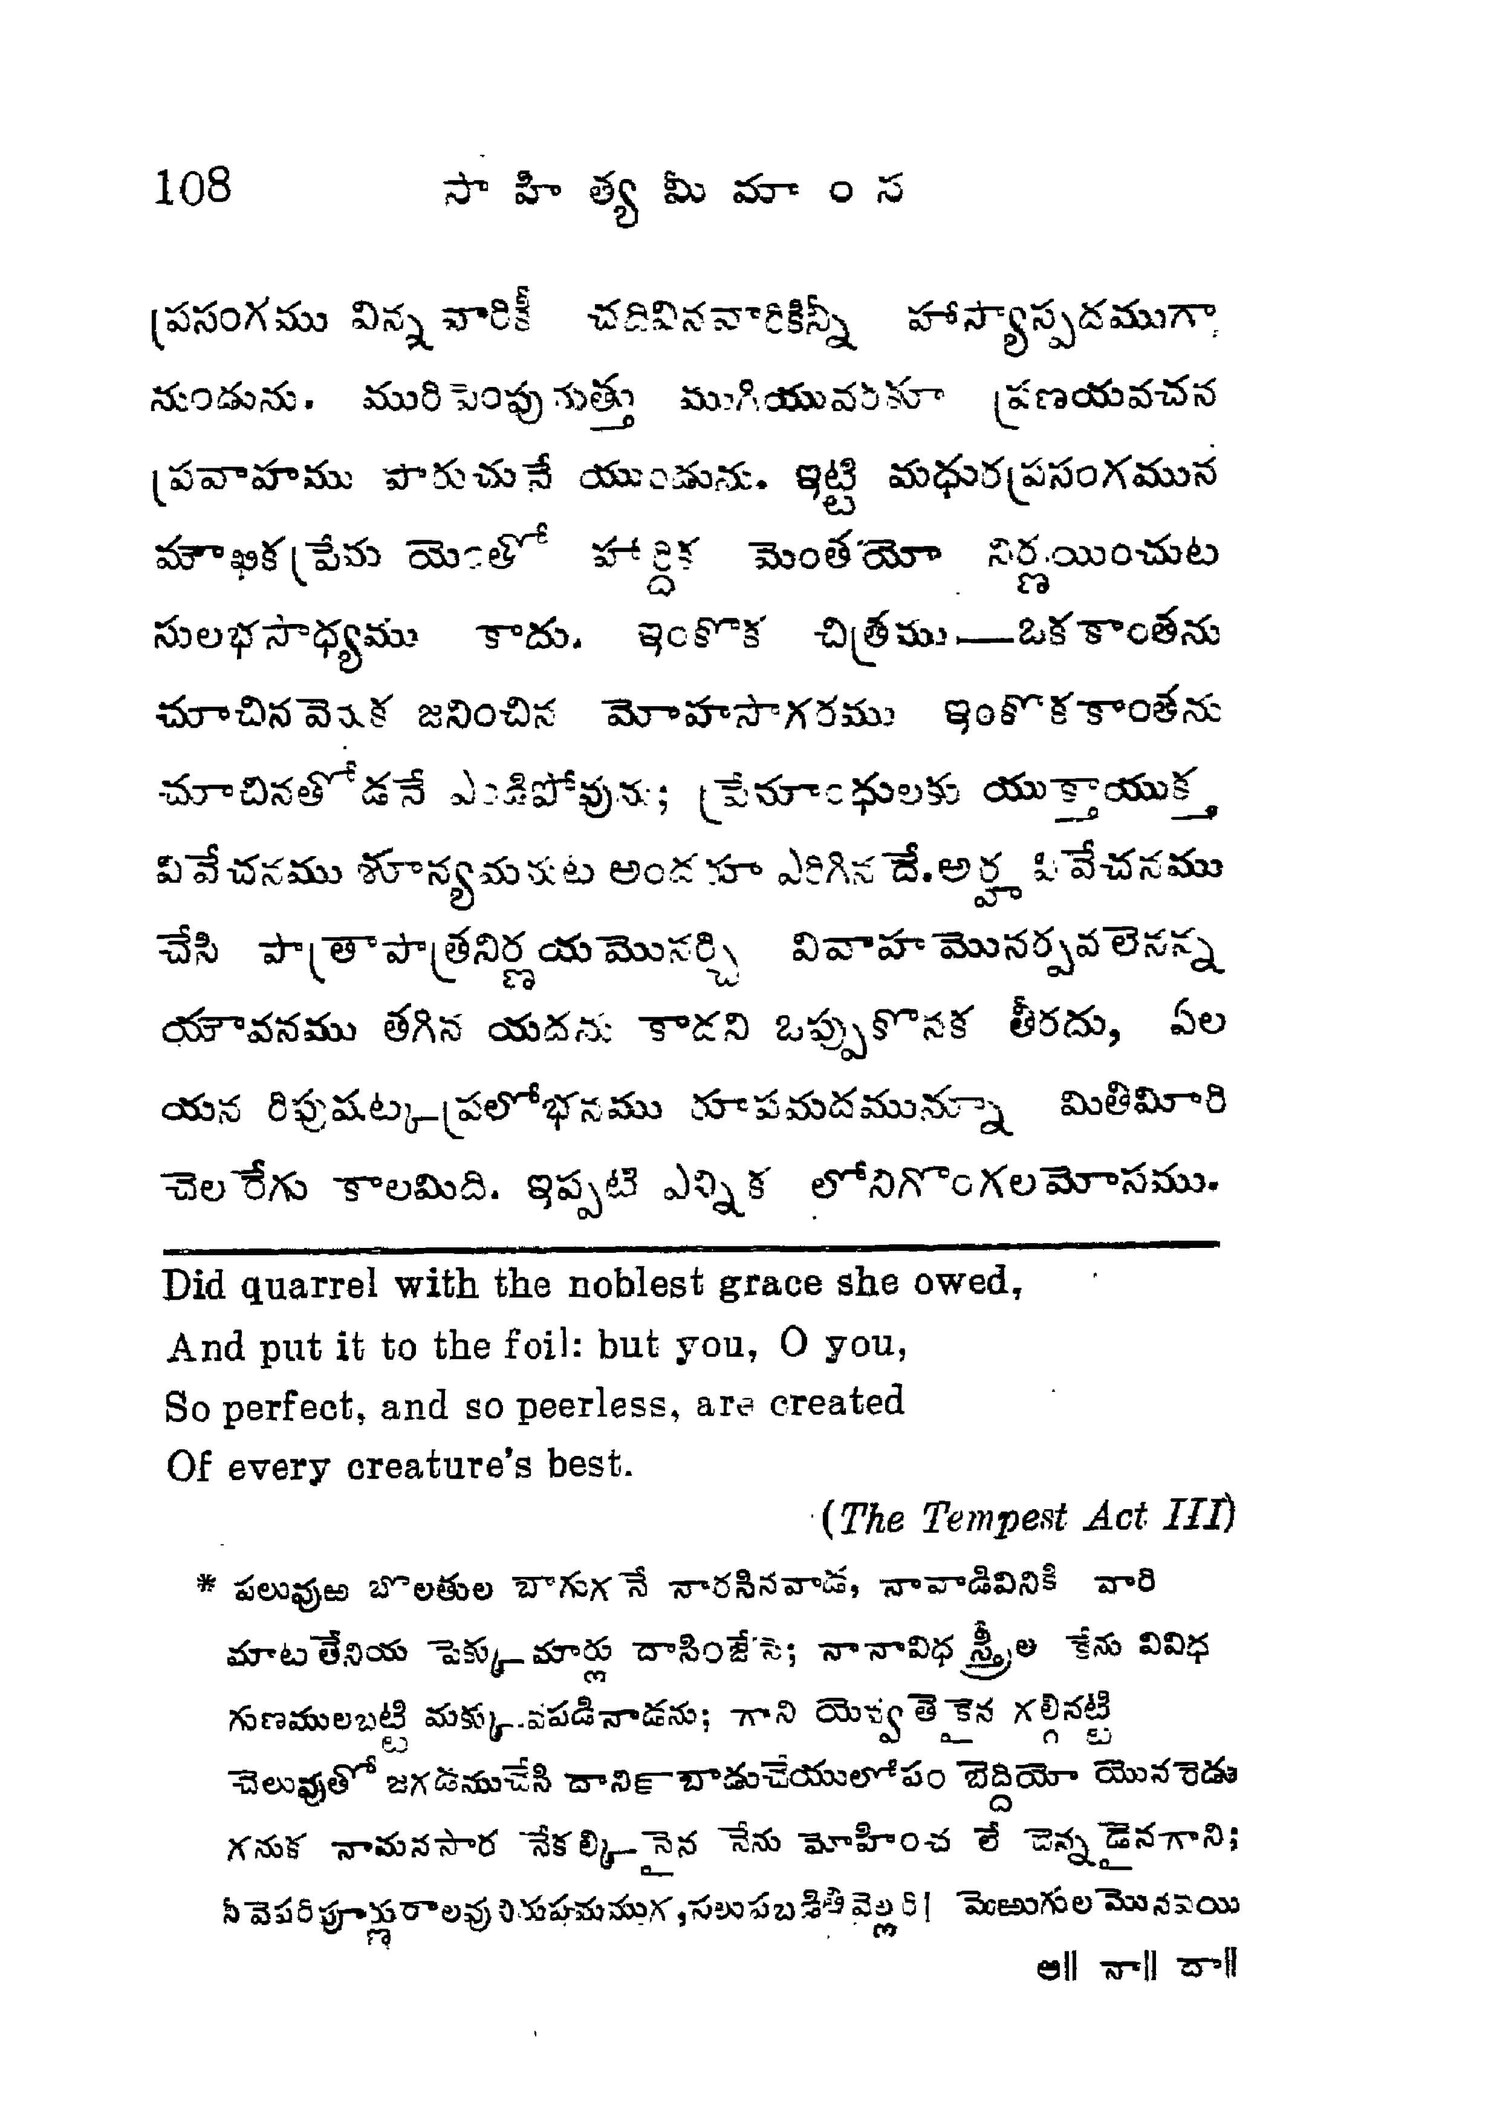ప్రసంగము విన్నవారికీ చదివినవారికిన్నీ హాస్యాస్పదముగా నుండును. మురిపెంపుమత్తు ముగియువరకూ ప్రణయవచన ప్రవాహము పారుచునే యుండును. ఇట్టి మధురప్రసంగమున మౌఖికప్రేమ యెంతో హార్దిక మెంతయో నిర్ణయించుట సులభసాధ్యము కాదు. ఇంకొక చిత్రము - ఒక కాంతను చూచినవెనుక జనించిన మోహసాగరము ఇంకొకకాంతను చూచినతోడనే ఎండిపోవును; ప్రేమాంధులకు యుక్తాయుక్త వివేచనము శూన్యమనుట అందరూ ఎరిగినదే. అర్హ వివేచనము చేసి పాత్రాపాత్రనిర్ణయమొనర్చి వివాహమొనర్పవలెనన్న యౌవనము తగిన యదను కాదని ఒప్పుకొనక తీరదు, ఏలయన రిపుషట్కప్రలోభనము రూపమదమున్నూ మితిమీరి చెలరేగు కాలమిది. ఇప్పటి ఎన్నిక లోనిగొంగలమోసము.